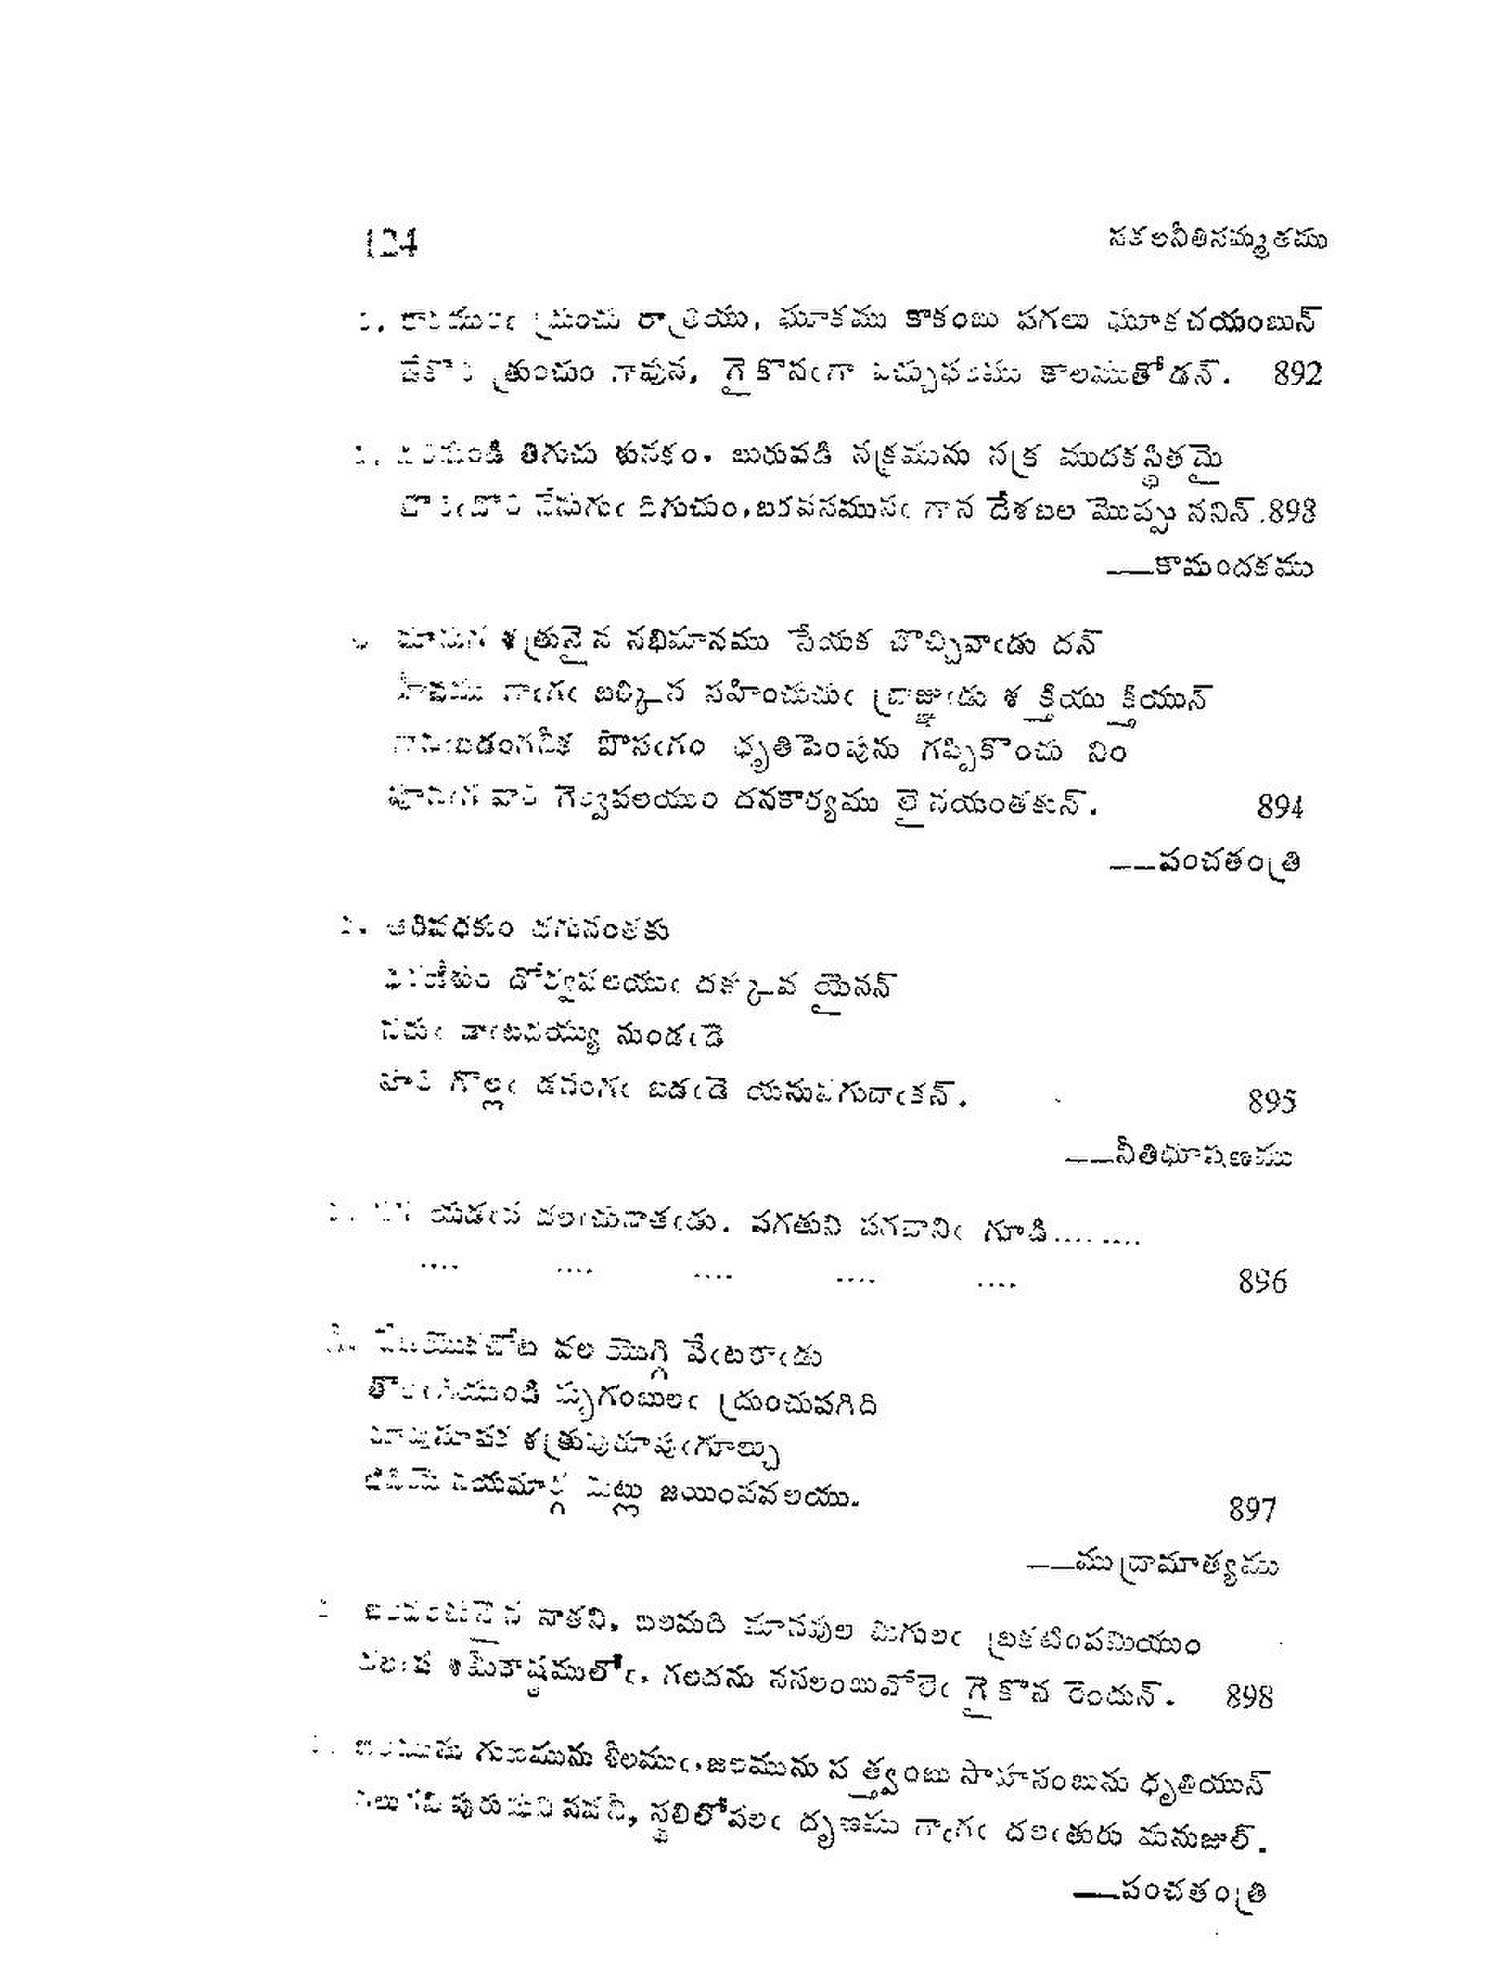క. కాకములఁ ద్రుంచు రాత్రియు
ఘూకము కాకంబు పగలు ఘూకచయంబున్
జేకొని త్రుంచుం గావున
గైకొనఁగా వచ్చుఫలము కాలముతోడన్. 892

క. దరినుండి తిగుచు శునకం
బురువడి నక్రమును నక్ర ముదకస్థితమై
బొరిఁబొరి నేనుఁగుఁ దిగుచుం
బరవసమునఁ గాన దేశబల మొప్పు ననిన్. 893

ఉ. మానుగ శత్రునైన నభిమానము సేయక చొచ్చివాఁడు దన్
హీనము గాఁగఁ బల్కిన సహించుచుఁ బ్రాజ్ఞుఁడు శక్తియుక్తియున్
గానఁబడంగనీక పొసఁగం ధృతిపెంపును గప్పికొంచు నిం
పూనఁగ వారి గెల్వవలయుం దనకార్యము లైనయంతకున్. 894

క. అరివధకుం దగునంతకు
ధరణీశుం డోర్వవలయుఁ దక్కువ యైనన్
నరుఁ డాఁటదయ్యు నుండఁడె
హరి గొల్లఁ డనంగఁ బడఁడె యనువగుదాఁకన్. 895

క. పగ యడఁప దలఁచునాతఁడు
పగతుని పగవానిఁ గూడి .................
......................................
....................................................... 896

గీ. వేఱయొకచోట వలయొగ్గి వేఁటకాఁడు
తొలఁగియుండు మృగంబులఁ ద్రుంచుపగిది
రూపుసూపక శత్రువు రూపుఁ గూల్చు
టిదియె నయమార్గ మిట్లు జయింపవలయు. 897

క. బలవంతునైన నాతని
బలమది మానవుల మిగులఁ బ్రకటింపమియుం
దలఁప శమీకాష్ఠములోఁ
గలదను ననలంబువోలెఁ గైకొన రెందున్. 898

క. బలమును గుణమును శీలముఁ
జలమును సత్త్వంబు సాహసంబును ధృతియున్
గలుగని పురుషుని నవనీ
స్థలిలోపలఁ దృణము గాఁగఁ దలఁతురు మనుజుల్. 899